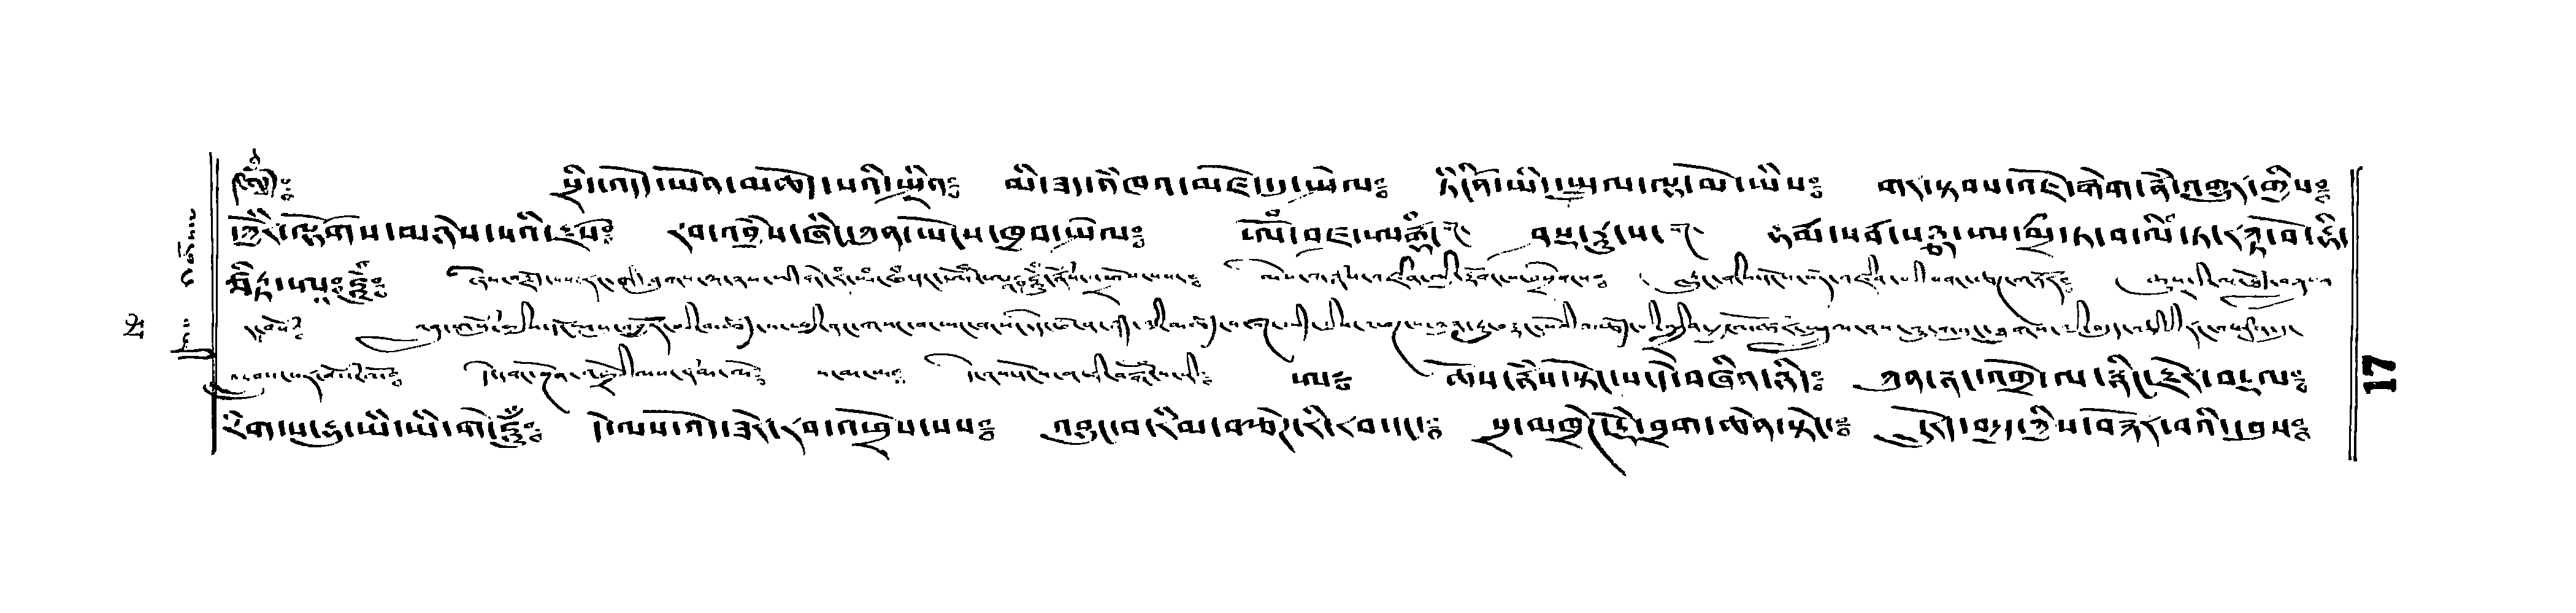སྲིད་འདོད་ཡོན་མཆོད་པའི་སྤྲིན༔ མི་ཟད་ནམ་མཁའ་མཛོད་དུ་སྤེལ༔ ཏིང་འཛིན་ཡིད་སྤྲུལ་ལྷ་མོ་ཡིས༔ གར་སྟབས་འཇོ་སྒེག་རྣམ་འགྱུར་གྱིས༔ 
དཀྱིལ་འཁོར་ལྷ་ཚོགས་མཉེས་པའི་རྫས༔ རབ་འབྱམས་ཞིང་ཀུན་ཡོངས་ཁྱབ་སྤེལ༔ ཨོཾ་བཛྲ་ཨརྒྷཾ་སོགས། ཤཔྡ་རཱུ་པ་སོགས། དྷརྨ་སརྦ་པཉྩ་ཨ་མྲྀ་ཏ་བ་ལིཾ་ཏ་རཀྟ་བོ་དྷི་
ཙིཏྟ་ཨཱཿཧཱུྃ༔ ཞེས་བརྗོད་པས་རང་གི་ཐུགས་ཀ་ནས་ཡི་གེ་རཾ་ཡཾ་ཁཾ་དང་ཨོཾ་ཨཱཿཧཱུྃ་རྣམས་འཕྲོས་པསཿ མེས་གཉིས་འཛིན་གྱི་རྟོག་པ་བསྲེགས༔ རླུང་གི་དངོས་པོར་འཛིན་པའི་བག་ཆགས་གཏོར༔ ཆུས་དྲི་མ་ཐམས་ཅད་བཀྲུས་
པར་བསམ༔ འབྲུ་གསུམ་གྱིས་དངོས་སུ་འབྱོར་པའི་མཆོད་པ་ཕྱི་ནང་གསང་བ་ཡང་གསང་དེ་ཁོ་ན་ཉིད་ཀྱི་མཆོད་པ་སོགས་ཡིད་ཀྱིས་འཕགས་པ་ཀུན་ཏུ་བཟང་པོའི་མཆོད་པའི་སྤྲིན་རྒྱ་མཚོར་སྤྲུལ་ནས་སྐུ་གསུང་ཐུགས་ཀྱི་བདུད་རྩིའི་རང་བཞིན་དུ་
བརླབས་པར་བསམ་མོཿ དེ་དག་སྔོན་འགྲོའི་ལས་རིམ་མོ༔ ས་མ་ཡ༔ དེ་ནས་དངོས་གཞི་བསྒོམ་པ་ནི༔ ཨཱཿ ཆོས་རྣམས་སྟོང་པ་དེ་བཞིན་ཉིད༔ ཀུན་སྣང་འགྲོ་ལ་སྙིང་རྗེར་བརྡལ༔ 
རིག་པ་རྒྱུ་ཡི་ཡི་གེ་ཧཱུྃ༔ དེ་ལས་འོད་ཟེར་རབ་འཕྲོས་པས༔ འབྱུང་བ་རིམ་བརྩེགས་རི་རབ་དང༔ སྲ་མཁྲེགས་རྡོ་རྗེ་བྲག་ཆེན་སྟེང༔ དུར་ཁྲོད་བརྒྱད་ཀྱིས་བསྐོར་བའི་དབུས༔